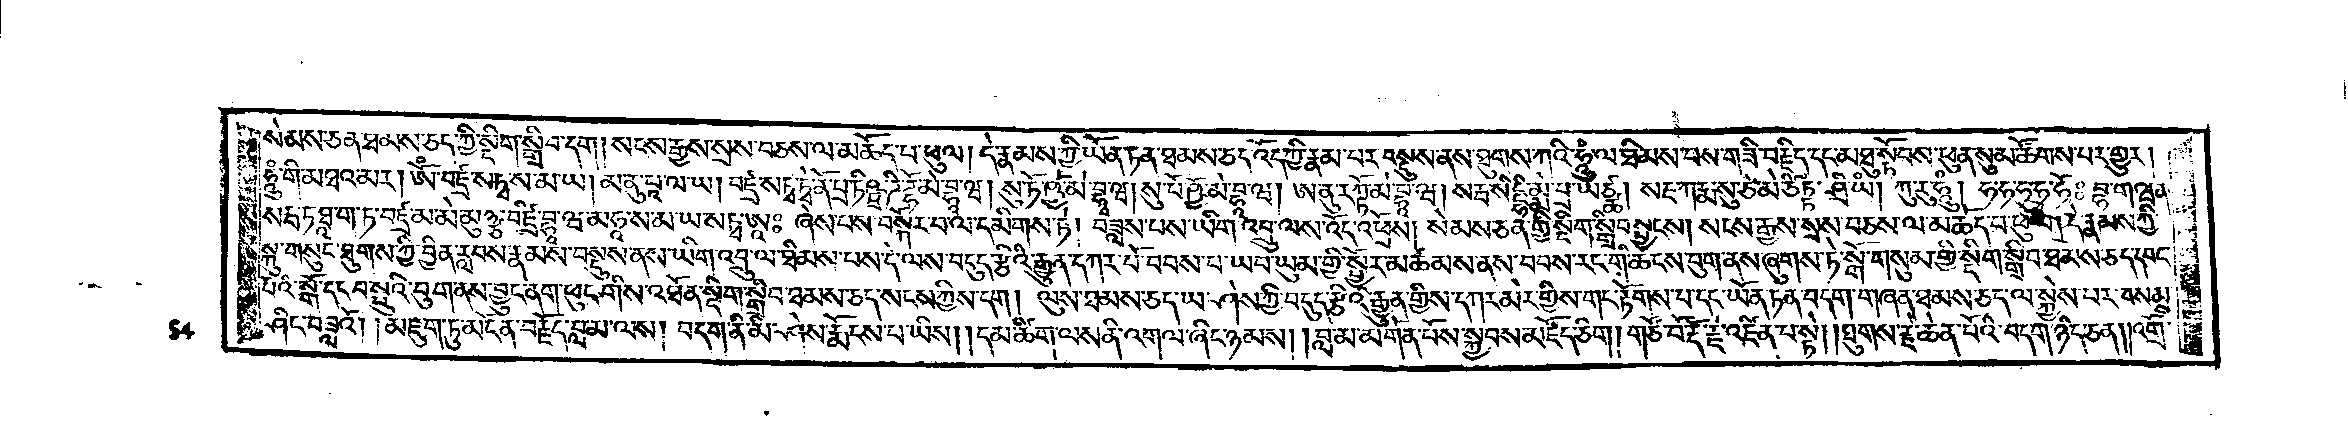སེམས་ཅན་ཐམས་ཅད་ཀྱི་སྡིག་སྒྲིབ་དག །སངས་རྒྱས་སྲས་བཅས་ལ་མཆོད་པ་ཕུལ། དེ་རྣམས་ཀྱི་ཡོན་ཏན་ཐམས་ཅད་འོད་ཀྱི་རྣམ་པར་བསྡུས་ནས་ཐུགས་ཀའི་ཧཱུཾ་ལ་ཐིམས་པས་གཟི་བརྗིད་དང་མཐུ་སྟོབས་ཕུན་སུམ་ཚོགས་པར་གྱུར། ཧཱུཾ་གི་མཐའ་མར། ཨོཾ་བཛྲ་སཏྭ་ས་མ་ཡ། མ་ནུ་པཱ་ལ་ཡ། བཛྲ་སཏྭ་ཏྭེ་ནོ་པྲ་ཏིཥཊཿཨ་ཌི་ཌྷོ་མེ་བྷཱ་ཝ། སུ་ཏོ་ཥྱོ་མེ་བྷཱ་ཝ། སུ་པོ་ཥྱོ་མེ་བྷཱ་ཝ། ཨ་ནུ་རཀྟོ་མེ་བྷཱ་ཝ། སརྦ་སིདྡྷི་མྨེ་པྲ་ཡཙྪ། སརྦ་ཀརྨ་སུ་ཅེ་མེ་ཙིཏྟ་ཤྲི་ཡཾ། ཀུ་རུ་ཧཱུཾ། ཧ་ཧ་ཧ་ཧ་ཧོཿ བྷ་ག་ཝན་
སརྦ་ཏ་ཐཱ་ག་ཏ་བཛྲ་མ་མེ་མུ་ཉྩ་བཛྲི་བྷཱ་ཝ་མཧཱ་ས་མ་ཡ་ས་ཏྭ་ཨཱཿ ཞེས་པས་བསྐོར་བ་ལ་དམིགས་ཏེ། བཟླས་པས་ཡིག་འབྲུ་ལས་འོད་འཕྲོས། སེམས་ཅན་གྱི་སྡིག་སྒྲིབ་སྦྱངས། སངས་རྒྱས་སྲས་བཅས་ལ་མཆོད་པ་ཕུལ། དེ་རྣམས་ཀྱི་
སྐུ་གསུང་ཐུགས་ཀྱི་བྱིན་རླབས་རྣམས་བསྡུས་ནས་ཡིག་འབྲུ་ལ་ཐིམས་པས་དེ་ལས་བདུད་རྩིའི་རྒྱུན་དཀར་པོ་བབས་པ་ཡབ་ཡུམ་གྱི་སྦྱོར་མཚམས་ནས་བབས་རང་གི་ཚངས་བུག་ནས་ཞུགས་ཏེ་སྒོ་གསུམ་གྱི་སྡིག་སྒྲིབ་ཐམས་ཅད་དབང་
པོའི་སྒོ་དང་བ་སྤུའི་བུ་ག་ནས་བྱུང་ནག་ཕུང་གིས་འཐོན་སྡིག་སྒྲིབ་ཐམས་ཅད་སངས་ཀྱིས་དག །ལུས་ཐམས་ཅད་ཡེ་ཤེས་ཀྱི་བདུད་རྩིའི་རྒྱུན་གྱིས་དཀར་མེར་གྱིས་གང་རྟོགས་པ་དང་ཡོན་ཏན་བདག་གཞན་ཐམས་ཅད་ལ་སྐྱེས་པར་བསམས་
ཤིང་བཟླའོ། །མཇུག་ཏུ་མངོན་བརྗོད་བླ་མ་ལས། བདག་ནི་མི་ཤེས་རྨོངས་པ་ཡིས། །དམ་ཚིག་ལས་ནི་འགལ་ཞིང་ཉམས། །བླ་མ་མགོན་པོས་སྐྱབས་མཛོད་ཅིག །གཙོ་བོ་རྡོ་རྗེ་འཛིན་པ་སྟེ། །ཐུགས་རྗེ་ཆེན་པོའི་བདག་ཉིད་ཅན། །འགྲོ་